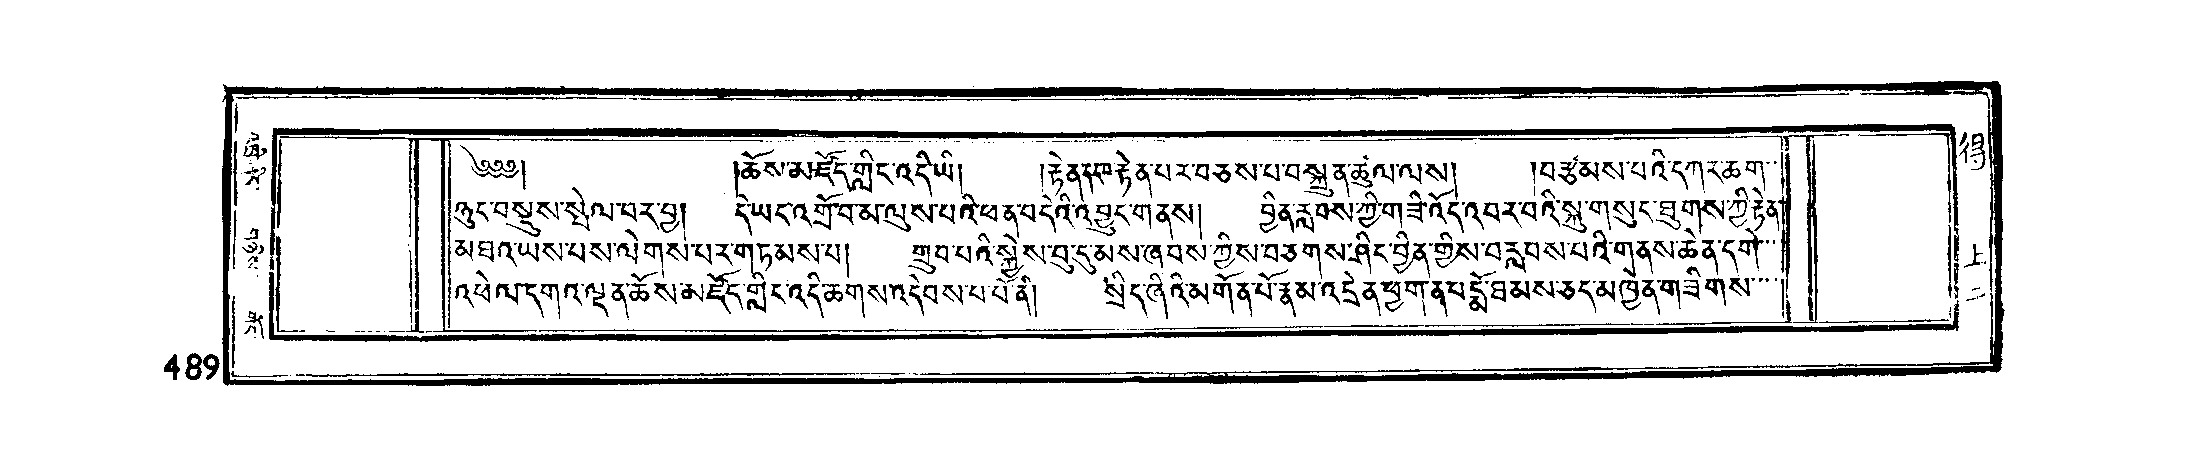༄༅། །ཆོས་མཛོད་གླིང་འདི་ཡི། །རྟེན་དང་བརྟེན་པར་བཅས་པ་བསྐྲུན་ཚུལ་ལས། །བརྩམས་པའི་དཀར་ཆག་
ཉུང་བསྡུས་སྤེལ་བར་བྱ། དེ་ཡང་འགྲོ་བ་མ་ལུས་པའི་ཕན་བདེའི་འབྱུང་གནས། བྱིན་རླབས་ཀྱི་གཟི་འོད་འབར་བའི་སྐུ་གསུང་ཐུགས་ཀྱི་རྟེན་
མཐའ་ཡས་པས་ལེགས་པར་གཏམས་པ། གྲུབ་པའི་སྐྱེས་བུ་དུ་མས་ཞབས་ཀྱིས་བཅགས་ཤིང་བྱིན་གྱིས་བརླབས་པའི་གནས་ཆེན་དགེ་
འཕེལ་དགའ་ལྡན་ཆོས་མཛོད་གླིང་འདི་ཆགས་འདེབས་པ་པོ་ནི། སྲིད་ཞིའི་མགོན་པོ་རྣམ་འདྲེན་ཕྱག་ན་པདམོ་ཐམས་ཅད་མཁྱེན་གཟིགས་